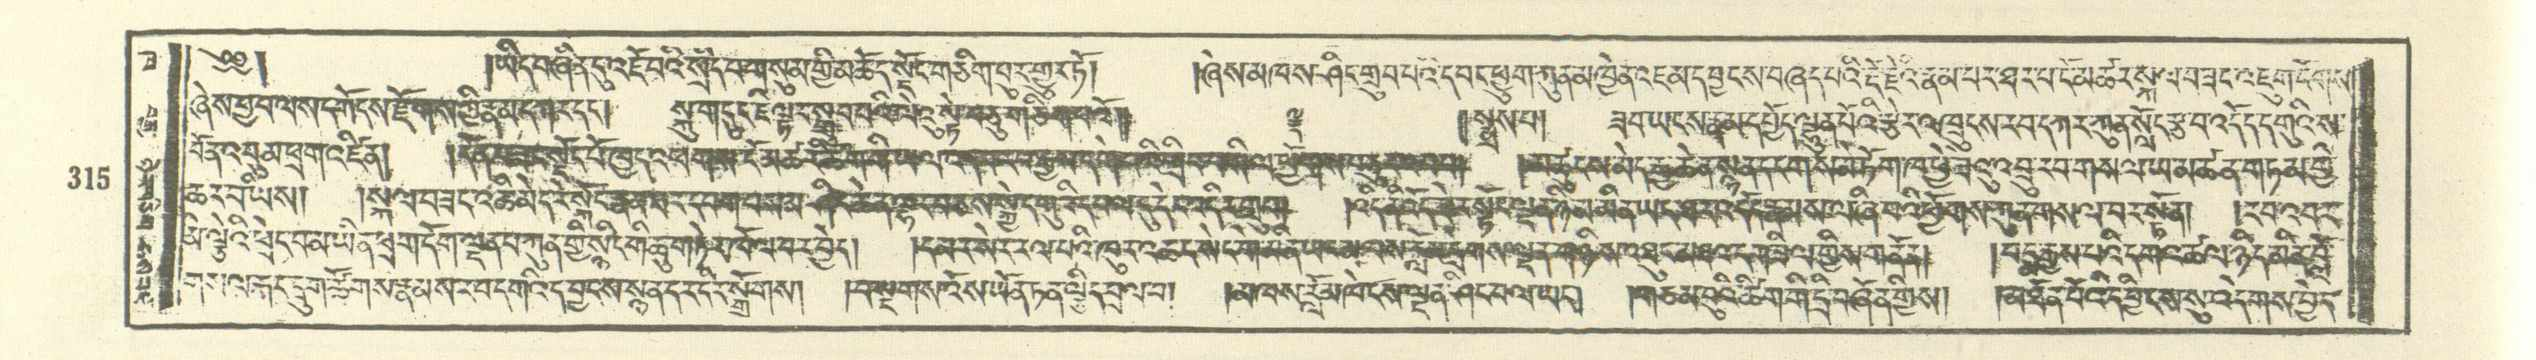༄༅། །ཡིད་བཞིན་དུ་འཇོ་པའི་སྲིད་བ་གསུམ་གྱི་མཆོད་སྡོང་གཅིག་པུར་གྱུར་ཏོ། །ཞེས་མཁས་ཤིང་གྲུབ་པའི་དབང་ཕྱུག་ཀུན་མཁྱེན་འཇམ་དབྱངས་བཞད་པའི་རྡོ་རྗེའི་རྣམ་པར་ཐར་པ་ངོ་མཚར་སྐལ་བཟང་འཇུག་ངོགས་
ཞེས་བྱ་བ་ལས་དགོངས་རྫོགས་ཀྱི་རྣམ་དཀར་དང་། སྐུ་གདུང་ཇི་ལྟར་སྒྲུབ་བའི་ལེའུ་སྟེ་བཅུ་གཅིག་པའོ།། ༈ །།སྨྲས་པ། ཟབ་ཡངས་རྣམ་དཔྱོད་ལྷུན་པོའི་རྩེར་འཁྲུངས་རབ་དཀར་ཀུན་སློང་རྩ་བ་འདོད་དགུའི་ས་
བོན་འབུམ་ཕྲག་འཛིན། །དོན་བཟང་སྡོང་པོ་ཁྱད་འཕགས་ངོ་མཚར་ཚིག་གི་ཡལ་འདབ་རབ་རྒྱས་དགེ་བའི་གྲིབ་བསིལ་ཕྱོགས་བཅུར་འབབ། །མཚུངས་མེད་རྒྱ་ཆེན་སྙན་དངགས་མེ་ཏོག་ཁ་ཕྱེ་ཟེའུ་འབྲུ་རབ་གསལ་ཡ་མཚན་གཏམ་གྱི་
ཆར་བ་ཡིས། །སྐལ་བཟང་འཆི་མེད་རེ་སྐོང་རྣམ་ཐར་དཔག་བསམ་ཤིང་ཆེན་ལྷར་བཅས་སྐྱེ་དགུའི་དཔལ་དུ་དེང་འདིར་གྲུབ། །འདི་ནི་འོད་ཟེར་སྟོང་ལྡན་ཉི་མ་མིན་ཡང་ཐར་འདོད་རྣམས་ལ་ཞི་བའི་ཕྱོགས་ཀུན་གསལ་བར་སྟོན། །རབ་འབར་
མེ་ལྕེའི་ཕྲེང་པ་མ་ཡིན་ཕྲག་དོག་ལྡན་པ་ཀུན་གྱི་སྙིང་གི་ཆུ་གཏེར་ཁོལ་བར་བྱེད། །དམར་སེར་རལ་པའི་ཁུར་འཆང་སེང་གེ་མིན་ཡང་མཁས་རློམ་དྲེགས་ལྡན་གཉིས་འཐུང་མཐའ་དག་ཟིལ་གྱིས་གནོན། །པདམ་རྒྱས་པའི་དགའ་ཚལ་ཉིད་མིན་བློ་
གསལ་རྐང་དྲུག་ཚོགས་རྣམས་རབ་དགའི་དབྱངས་སྙན་དར་དིར་སྒྲོགས། །བསྔགས་འོས་ཡོན་ཏན་ལྕིད་བྲལ་བ། །མཁས་རློམ་ཁེངས་ལྡན་ཤིང་བལ་ཡང་། །གཅམ་བུའི་ཚིག་གི་དྲི་བཞོན་གྱིས། །མཐོན་པོའི་དབྱིངས་སུ་འདེགས་བྱེད་